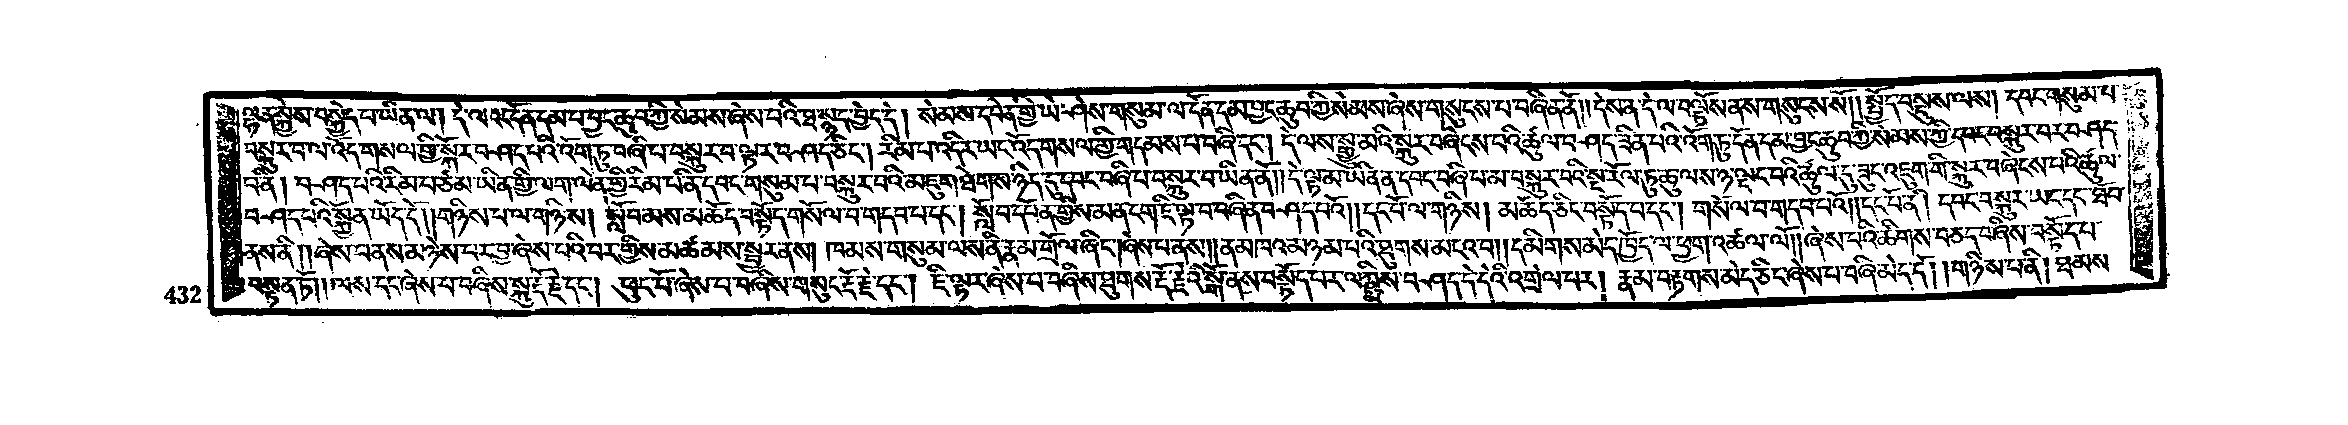ལྷན་སྐྱེས་བསྐྱེད་པ་ཡིན་ལ། དེ་ལའང་དོན་དམ་པ་བྱང་ཆུབ་ཀྱི་སེམས་ཞེས་པའི་ཐ་སྙད་བྱེད་དེ། སེམས་དབེན་གྱི་ཡེ་ཤེས་གསུམ་ལ་དོན་དམ་བྱང་ཆུབ་ཀྱི་སེམས་ཞེས་གསུངས་པ་བཞིན་ནོ། །དེས་ན་དེ་ལ་བལྟོས་ནས་གསུངས་སོ། །སྤྱོད་བསྡུས་ལས། དབང་གསུམ་པ་
བསྐུར་བ་ལ་འོད་གསལ་གྱི་སྐོར་བཤད་པའི་འོག་ཏུ་བཞི་པ་བསྐུར་བ་ལྟར་བཤད་ཅིང་། རིམ་པ་འདིར་ཡང་འོད་གསལ་གྱི་གདམས་པ་བཞི་དང་། དེ་ལས་སྒྱུ་མའི་སྐུར་བཞེངས་པའི་ཚུལ་བཤད་ཟིན་པའི་འོག་ཏུ་དོན་དམ་བྱང་ཆུབ་ཀྱི་སེམས་ཀྱི་དབང་བསྐུར་བར་བཤད་
པ་ནི། བཤད་པའི་རིམ་པ་ཙམ་ཡིན་གྱི་ལག་ལེན་གྱི་རིམ་པ་ནི་དབང་གསུམ་པ་བསྐུར་བའི་མཇུག་ཐོགས་ཉིད་དུ་དབང་བཞི་པ་བསྐུར་བ་ཡིན་ནོ། །དེ་ལྟ་མ་ཡིན་ན་དབང་བཞི་པ་མ་བསྐུར་བའི་སྔ་རོལ་ཏུ་ཆུ་ལས་ཉ་ལྡང་བའི་ཚུལ་དུ་ཟུང་འཇུག་གི་སྐུར་བཞེངས་པའི་ཚུལ་
བཤད་པའི་སྐྱོན་ཡོད་དོ། །གཉིས་པ་ལ་གཉིས། སློབ་མས་མཆོད་བསྟོད་གསོལ་བ་གདབ་པ་དང་། སློབ་དཔོན་གྱིས་མན་ངག་ཇི་ལྟ་བ་བཞིན་བཤད་པའོ། །དང་པོ་ལ་གཉིས། མཆོད་ཅིང་བསྟོད་པ་དང་། གསོལ་བ་གདབ་པའོ། །དང་པོ་ནི། དབང་བསྐུར་ཡང་དག་ཐོབ་
ནས་ནི། །ཞེས་པ་ནས་མཉེས་པར་བྱ་ཞེས་པའི་བར་གྱིས་མཚམས་སྦྱར་ནས། ཁམས་གསུམ་ལས་ནི་རྣམ་གྲོལ་ཞིང་། ཞེས་པ་ནས། །ནམ་མཁའ་མཉམ་པའི་ཐུགས་མངའ་བ། །དམིགས་མེད་ཁྱོད་ལ་ཕྱག་འཚལ་ལོ། །ཞེས་པའི་ཚིགས་བཅད་བཞིས་བསྟོད་པ་
བསྟན་ཏོ། །ལས་དང་ཞེས་པ་བཞིས་སྐུ་རྡོ་རྗེ་དང་། ཕུང་པོ་ཞེས་པ་བཞིས་གསུང་རྡོ་རྗེ་དང་། ཇི་ལྟར་ཞེས་པ་བཞིས་ཐུགས་རྡོ་རྗེའི་སྒོ་ནས་བསྟོད་པར་ལཀྵྨཱིས་བཤད་དེ་དེའི་འགྲེལ་པར། རྣམ་བརྟགས་མེད་ཅིང་ཞེས་པ་བཞི་མེད་དོ། །གཉིས་པ་ནི། ཨཻཨཻཨེམ་བརྟགས་མེད་ཅིང་ཞེས་པ་བཞི་མེད་དོ། །གཉིས་པ་ནི། ཐམས་